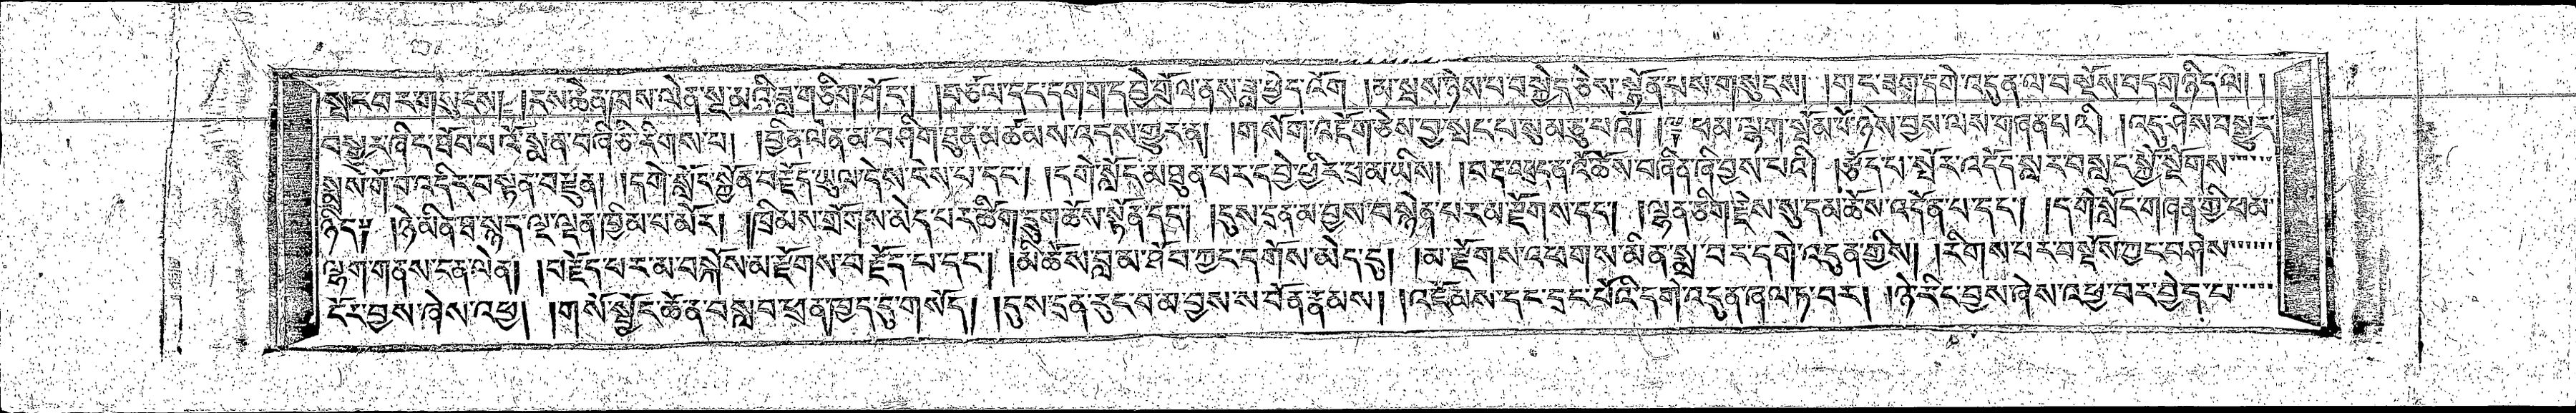སྤང་བར་གསུངས། །རས་ཆེན་ཁས་ལེན་སྔ་མའི་ཟླ་གཅིག་གོང་། །བཙལ་དང་དགག་དབྱེ་གྲོལ་ནས་ཟླ་ཕྱེད་འོག །མ་སྦས་ཉེས་པ་བསྐྱེད་ཅེས་ལྷོན་པས་གསུངས། །གང་ཟག་དགེ་འདུན་ལ་བསྔོས་བདག་གཉིད་ལ། །
བསྒྱུར་ཞིང་ཐོབ་པའོ་སྨན་བཞི་ཅི་རིགས་པ། །བྱིན་ལེན་མ་བཤིག་ཐུན་མཚམས་འདས་གྱུར་ན། །གསོག་འཇོག་ཅེས་བྱ་སྤང་པ་སུམ་ཅུ་པའོ། །༈ ཕམ་ལྷག་སྦོམ་པོ་ཉིས་བྱས་ལས་གཞན་པའི། །འདུ་ཤེས་བསྒྱུར་
སྨྲས་གོ་བ་འདིར་བསྟན་བརྫུན། །དགེ་སློང་སྐྱོན་བརྗོད་ཡུལ་དེས་ངེས་པ་དང་། །དགེ་སློང་མཐུན་པར་དབྱེ་ཕྱིར་ཕྲ་མ་ཡིས། །བརྡ་འཕྲད་ན་འོ་ཆོས་བཞིན་ཞི་བྱས་པའི། །རྩོད་པ་སྤོར་འདོད་སླར་བསླང་སྐྱོ་སྡོགས་
ཉིད༑ །ཉེ་མིན་ཐ་སྙད་ལྔ་ལྡན་ཁྱིམ་པ་མོར། །ཁྲིམས་གྲོགས་མེད་པར་ཚིག་དྲུག་ཆོས་སྟོན་དང་། །དུས་དྲན་མ་བྱས་བསྙེན་པར་མ་རྫོགས་དང་། །ལྷན་ཅིག་རྗེས་སུ་དམ་ཆོས་འདོན་པ་དང་། །དགེ་སློང་གཞན་གྱི་ཕམ་
ལྷག་གནས་ངན་ལེན། །བརྗོད་པར་མ་བསྐོས་མ་རྫོགས་བརྗོད་པ་དང་། །མི་ཆོས་བླ་མ་ཐོབ་ཀྱང་དགོས་མེད་དུ། །མ་རྫོགས་འཕགས་མིན་སྨྲ་བར་དགེ་འདུན་གྱིས། །རིགས་པར་བསྔོས་ཀྱང་བཤེས་
ངོར་བྱས་ཞེས་འཕྱ། །གསོ་སྦྱོང་ཚེ་ན་བསླབ་ཕྲན་ཁྱད་དུ་གསོད། །དུས་དྲན་རུང་བ་མ་བྱས་ས་བོན་རྣམས། །འཇོམས་དང་དྲང་པོའི་དགེ་འདུན་ཞལ་ཏ་བར། །ཉེ་རིང་བྱས་ཞེས་འཕྱ་བར་བྱེད་པ་